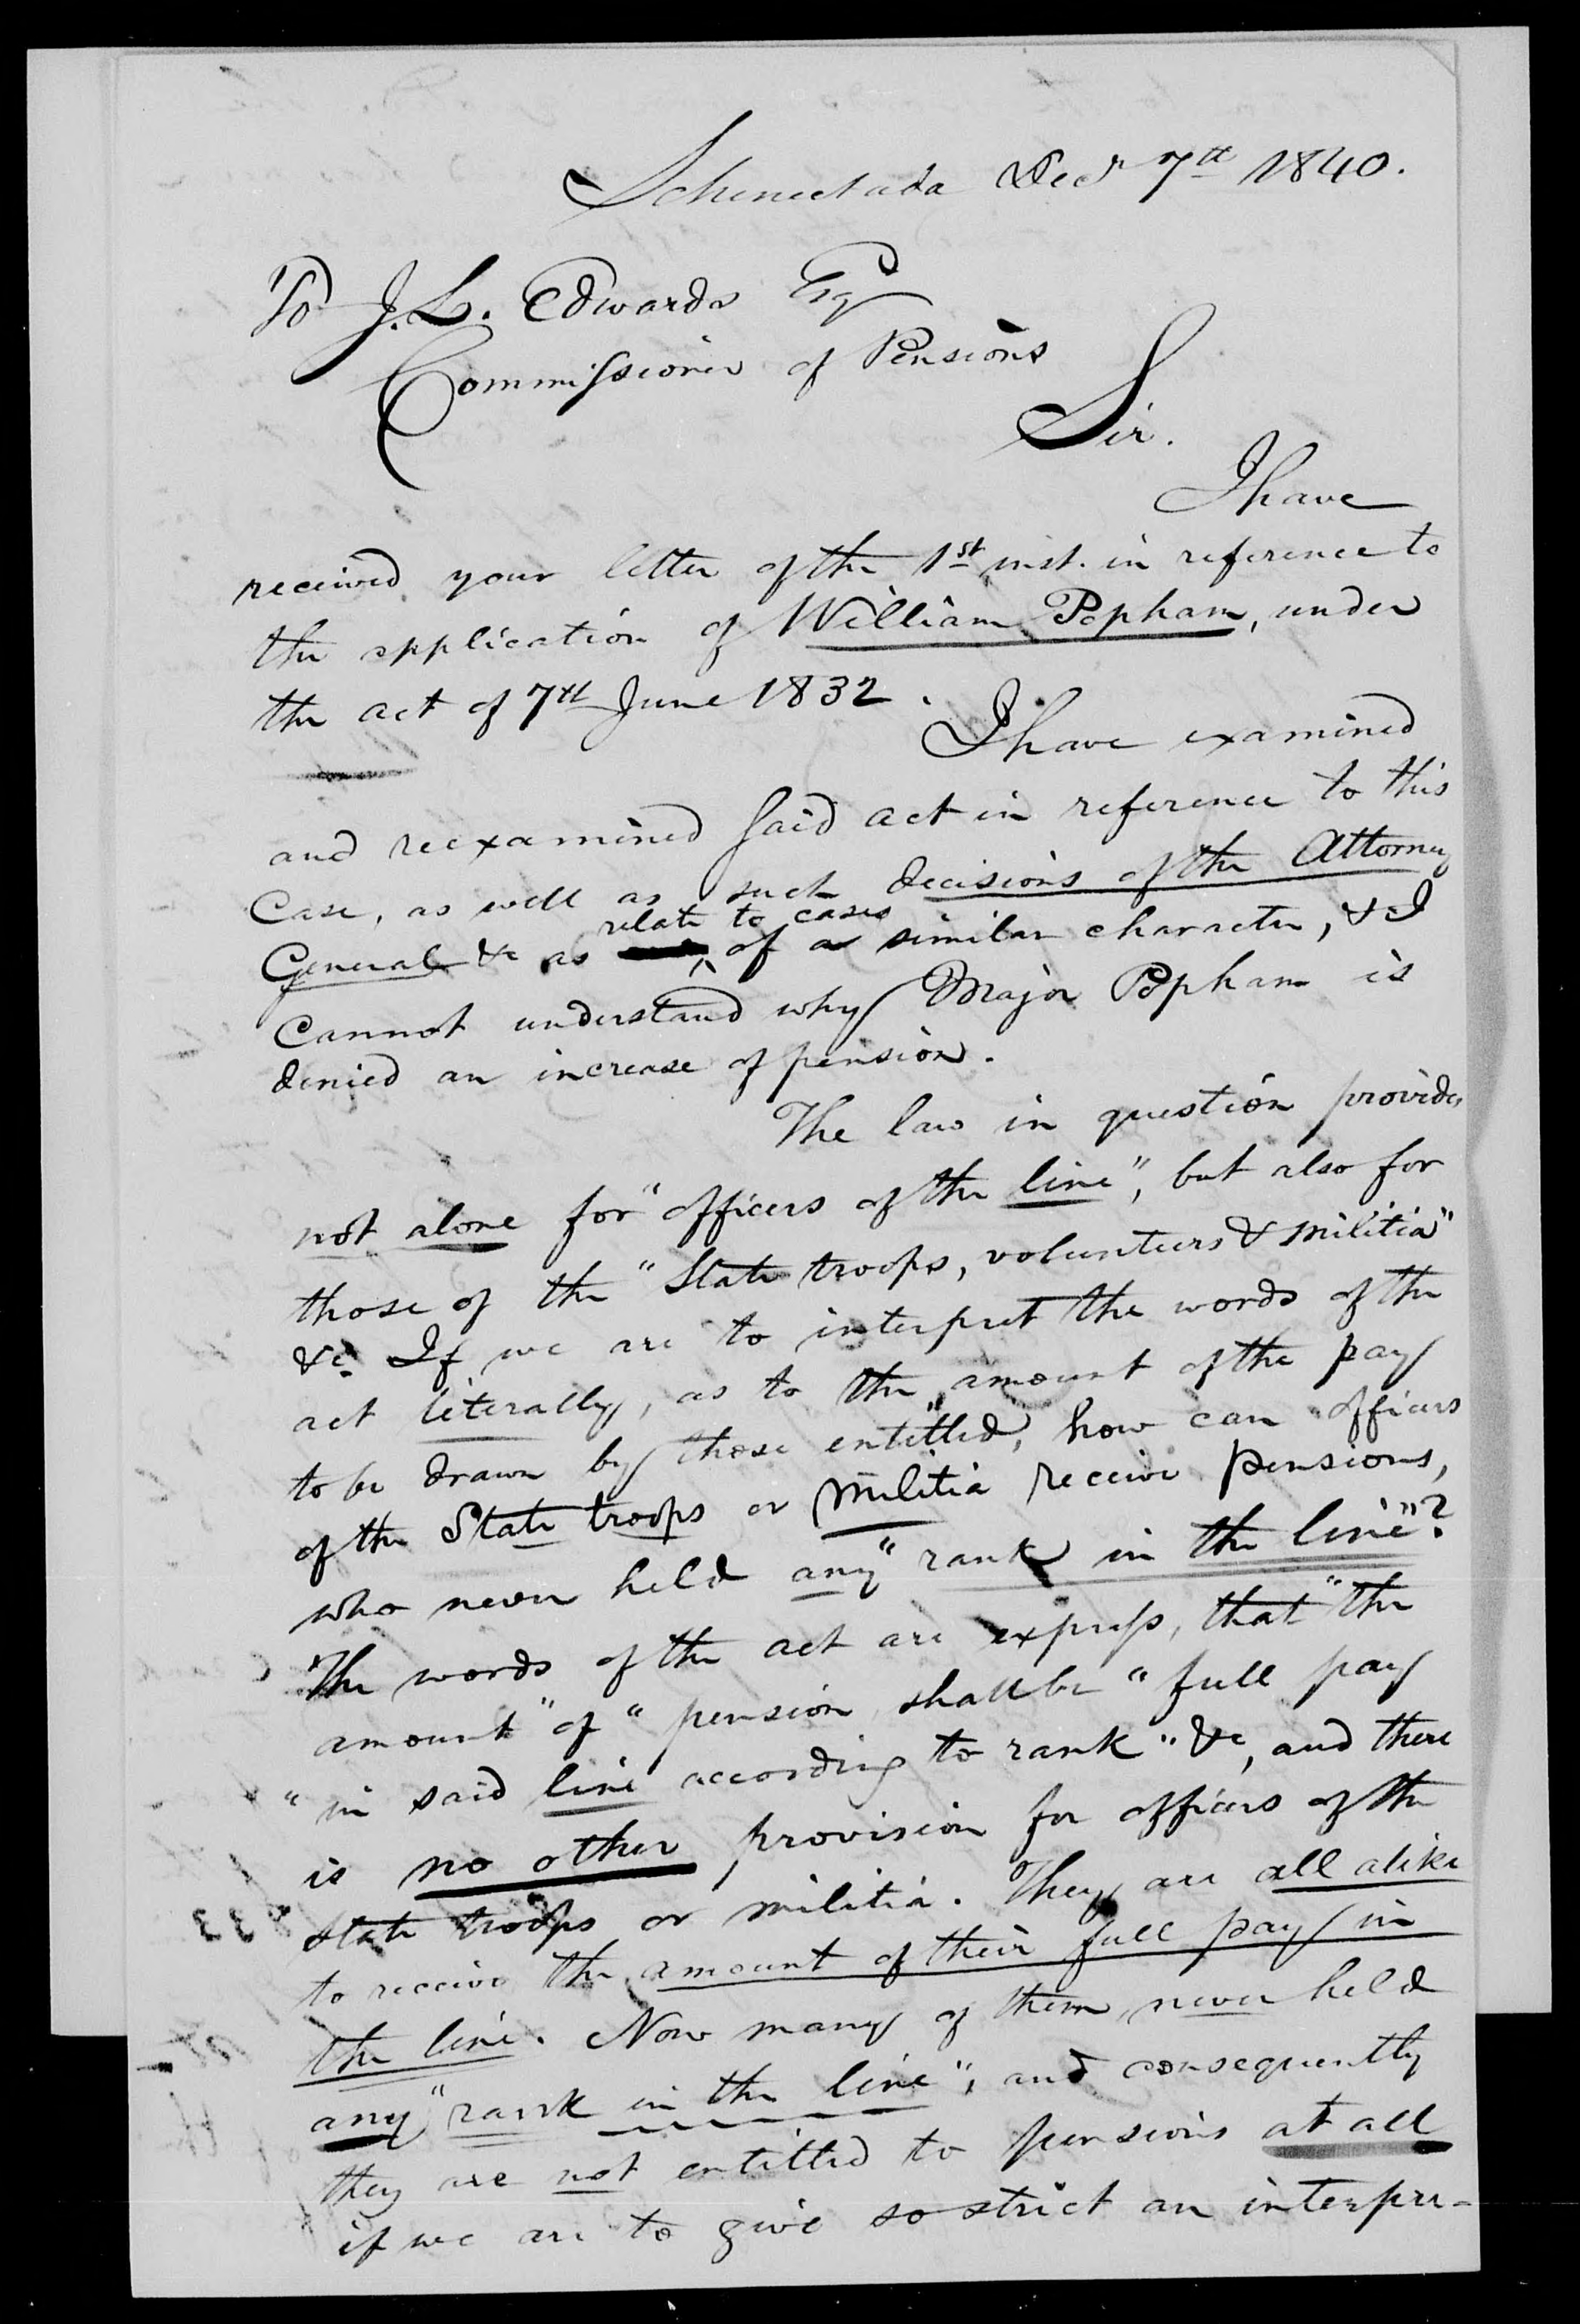Schenectada Decr 7th 1840
To J.L. Edwards Esqr
Commissioner of Pensions
Sir
I have
received your letter of the 1st inst. in reference to
the application of William Popham, under the
act of 7th June 1832.
 I have examined and
reexamined
said act in reference to this
case as well as such decisions of the Attorney General so as ^relate to cases of a similar character, & I
cannot understand why Major Popham is
denied an increase of pension.
The law in question provides
not alone
for "officers of the line", but also for
those of the
"State troops, volunteers & Militia"
& If we are to interpret the words of the
act literally, as to the amount of the pay
to be drawn by those entitled, how can officers
of the State troops or militia received pensions, who never held any
"rank in the line"?
The words of the
act are express, that "the
amount "of" pension shall be "full pay
"in said line according to rank" to, and there
is no other
provision for officers of the
State troops or militia. They are all alike
to receive the amount of their full pay in
the line. Now many of them, never held
any "rank in the
line", and consequently
they be not entitled to pensions at all if
we are to give so strict an interper-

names: J L Edwards; William Popham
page: 63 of 75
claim: survivor's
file: S. 9989, for William Popham, Delaware